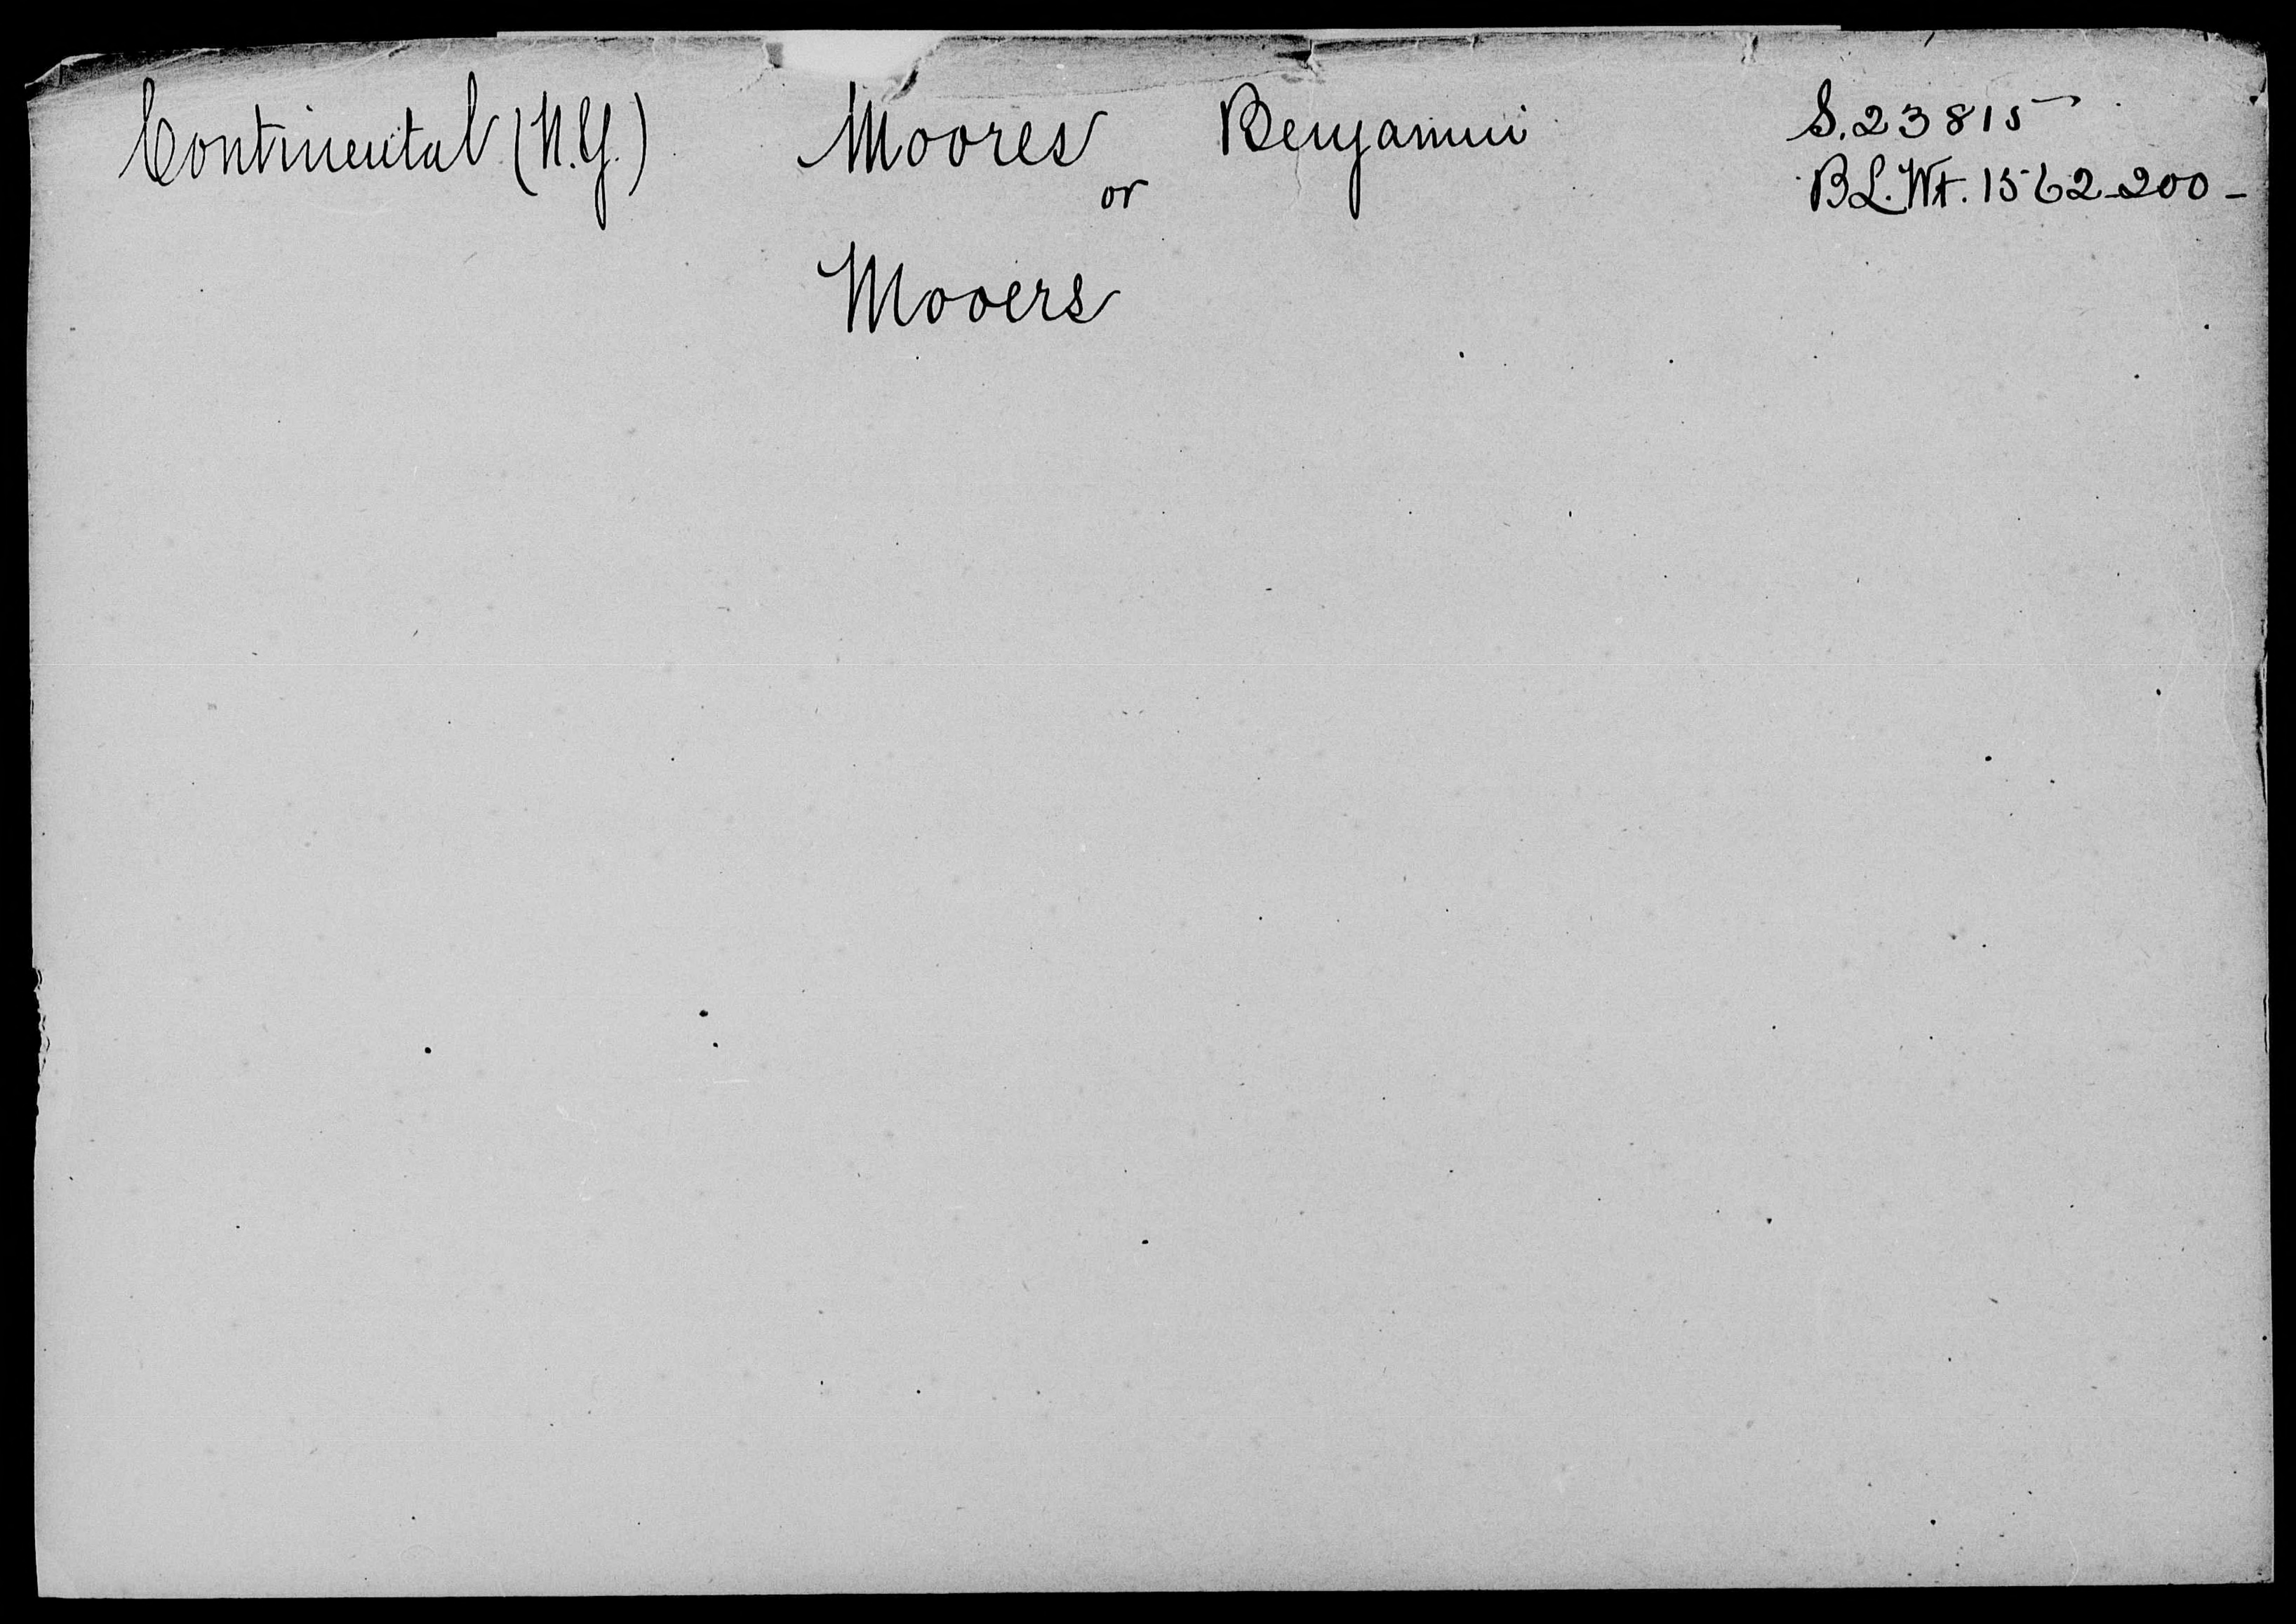Continental (N.Y.)
Moores Benjamin
or
Mooers
Benjamin
S.23815
B.L. Wt. 1562.200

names: Benjamin Mooers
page: 1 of 1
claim: survivor's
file: S. 23815, for Benjamin Moores, New York